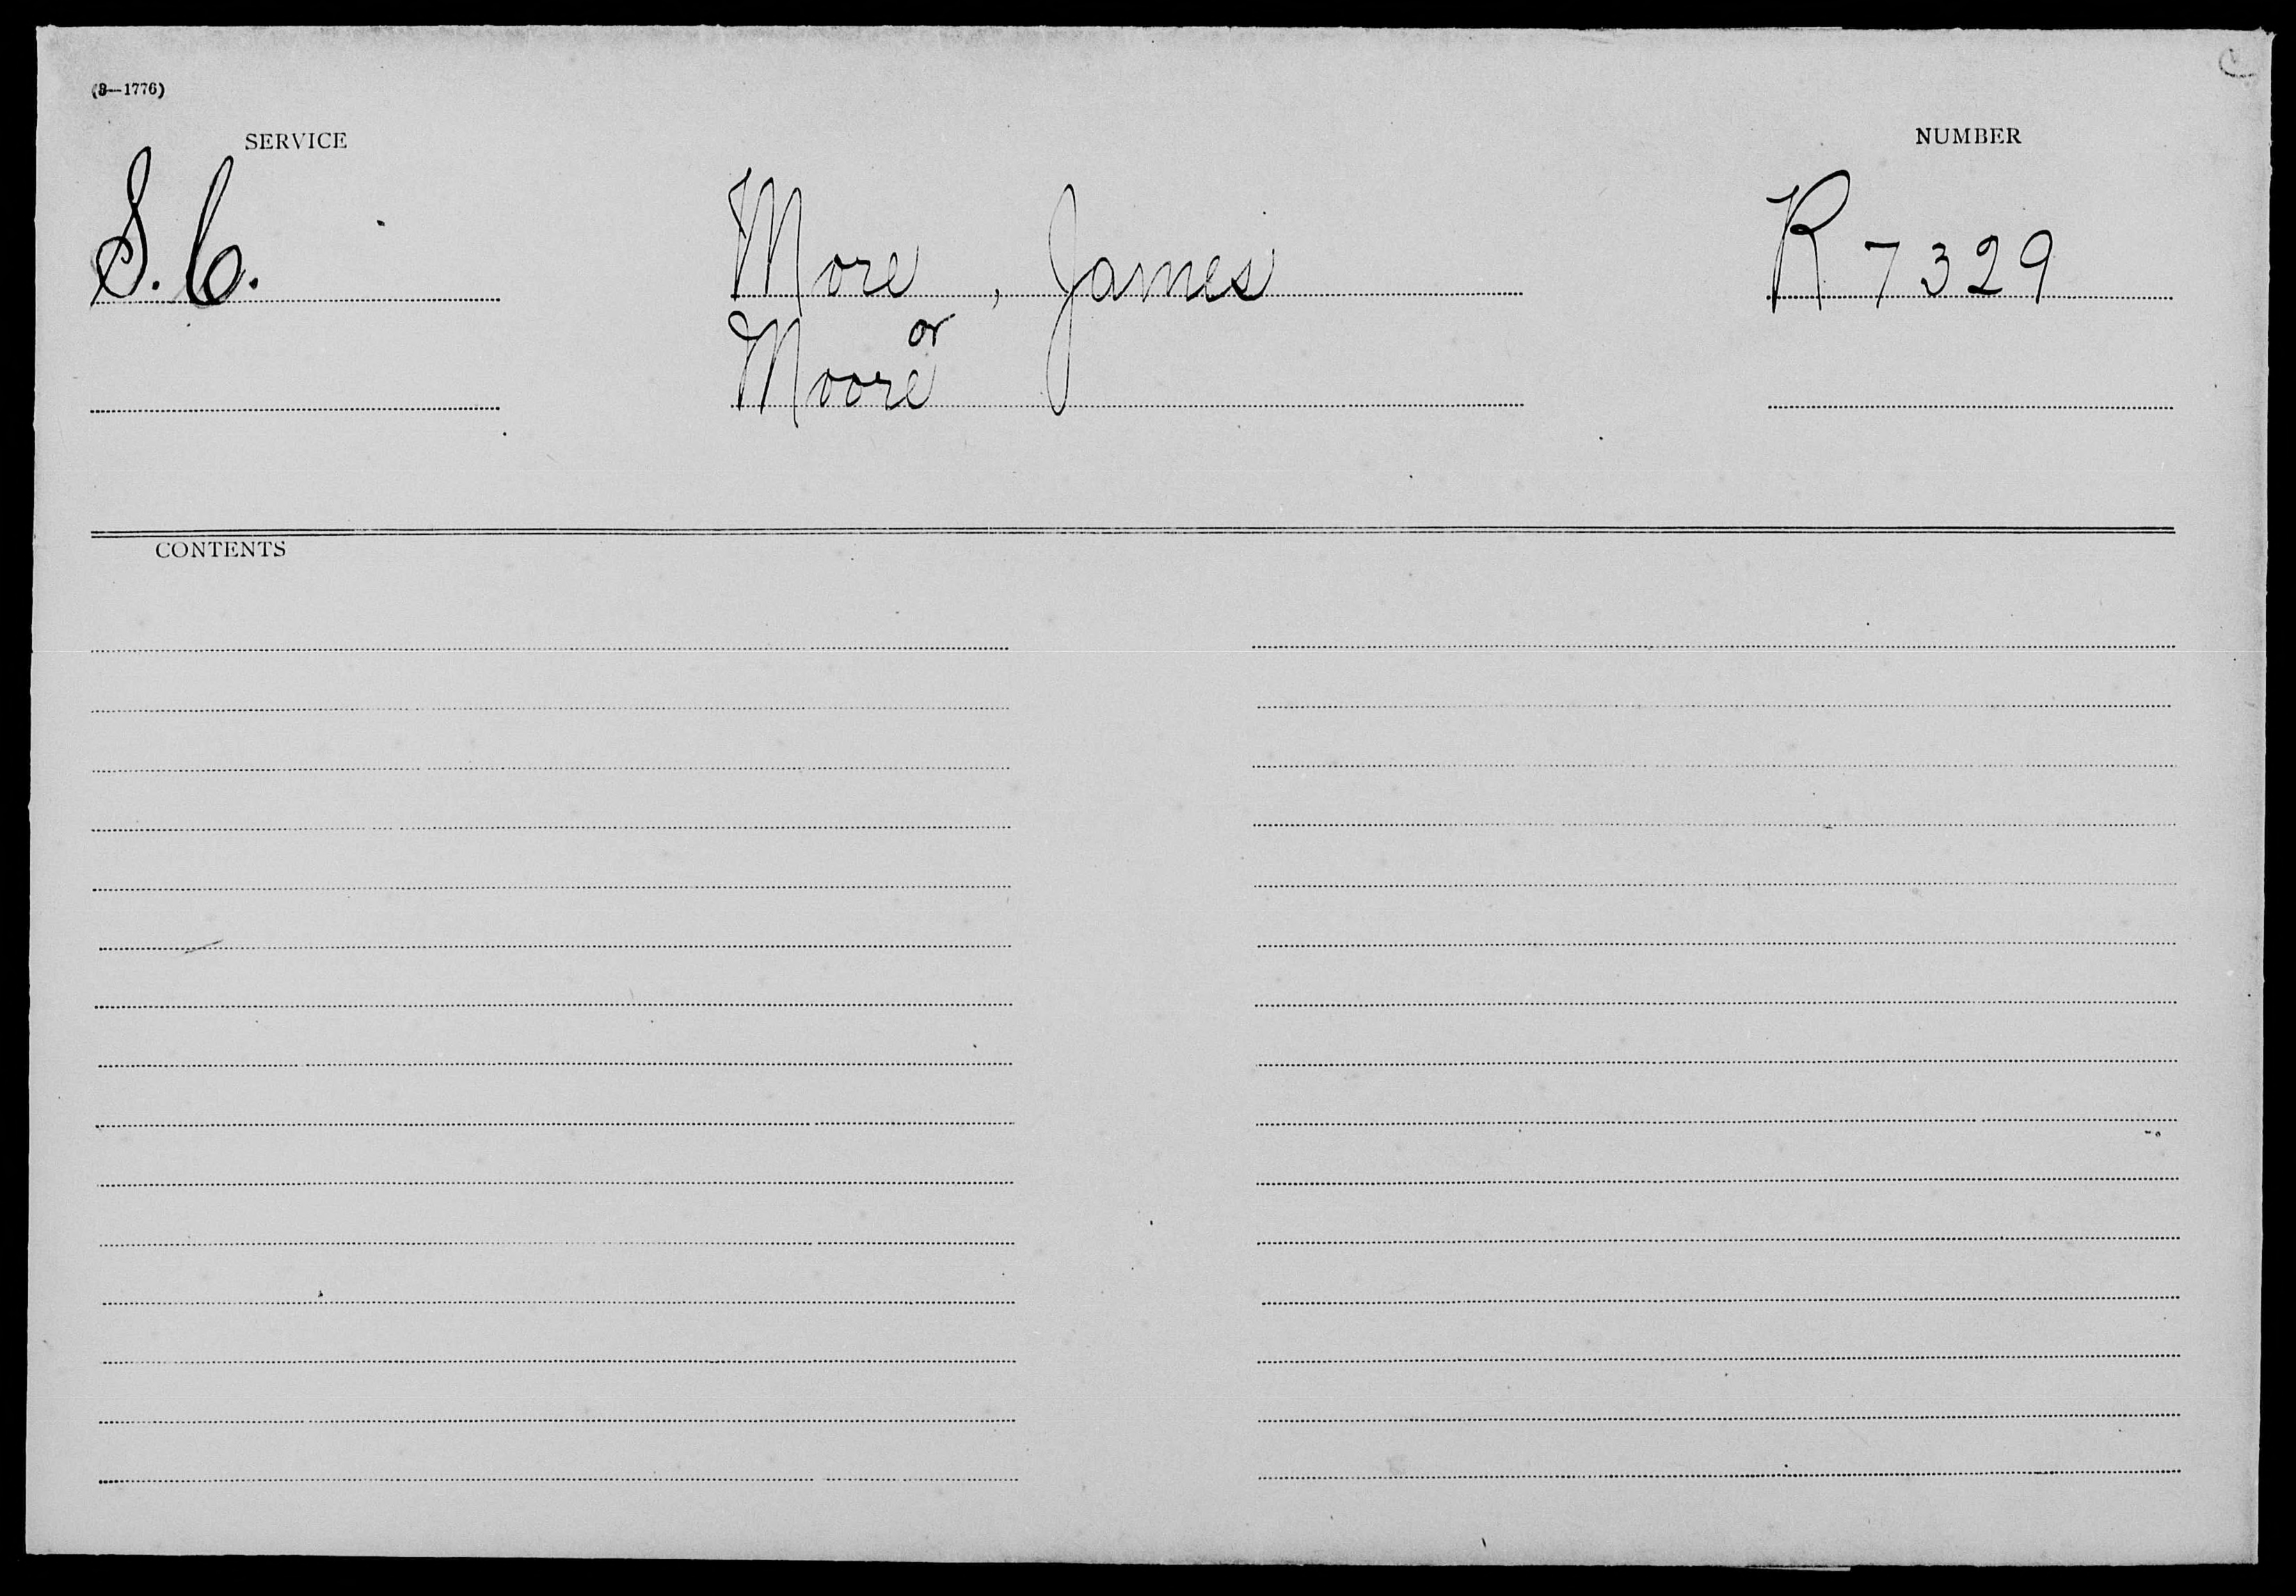(3 - 1776 )

SERVICE
S.C.

More, James
or
Moore

NUMBER
R 7329

CONTENTS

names: James Moore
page: 1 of 17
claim: rejected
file: R 7329, for James More, South Carolina